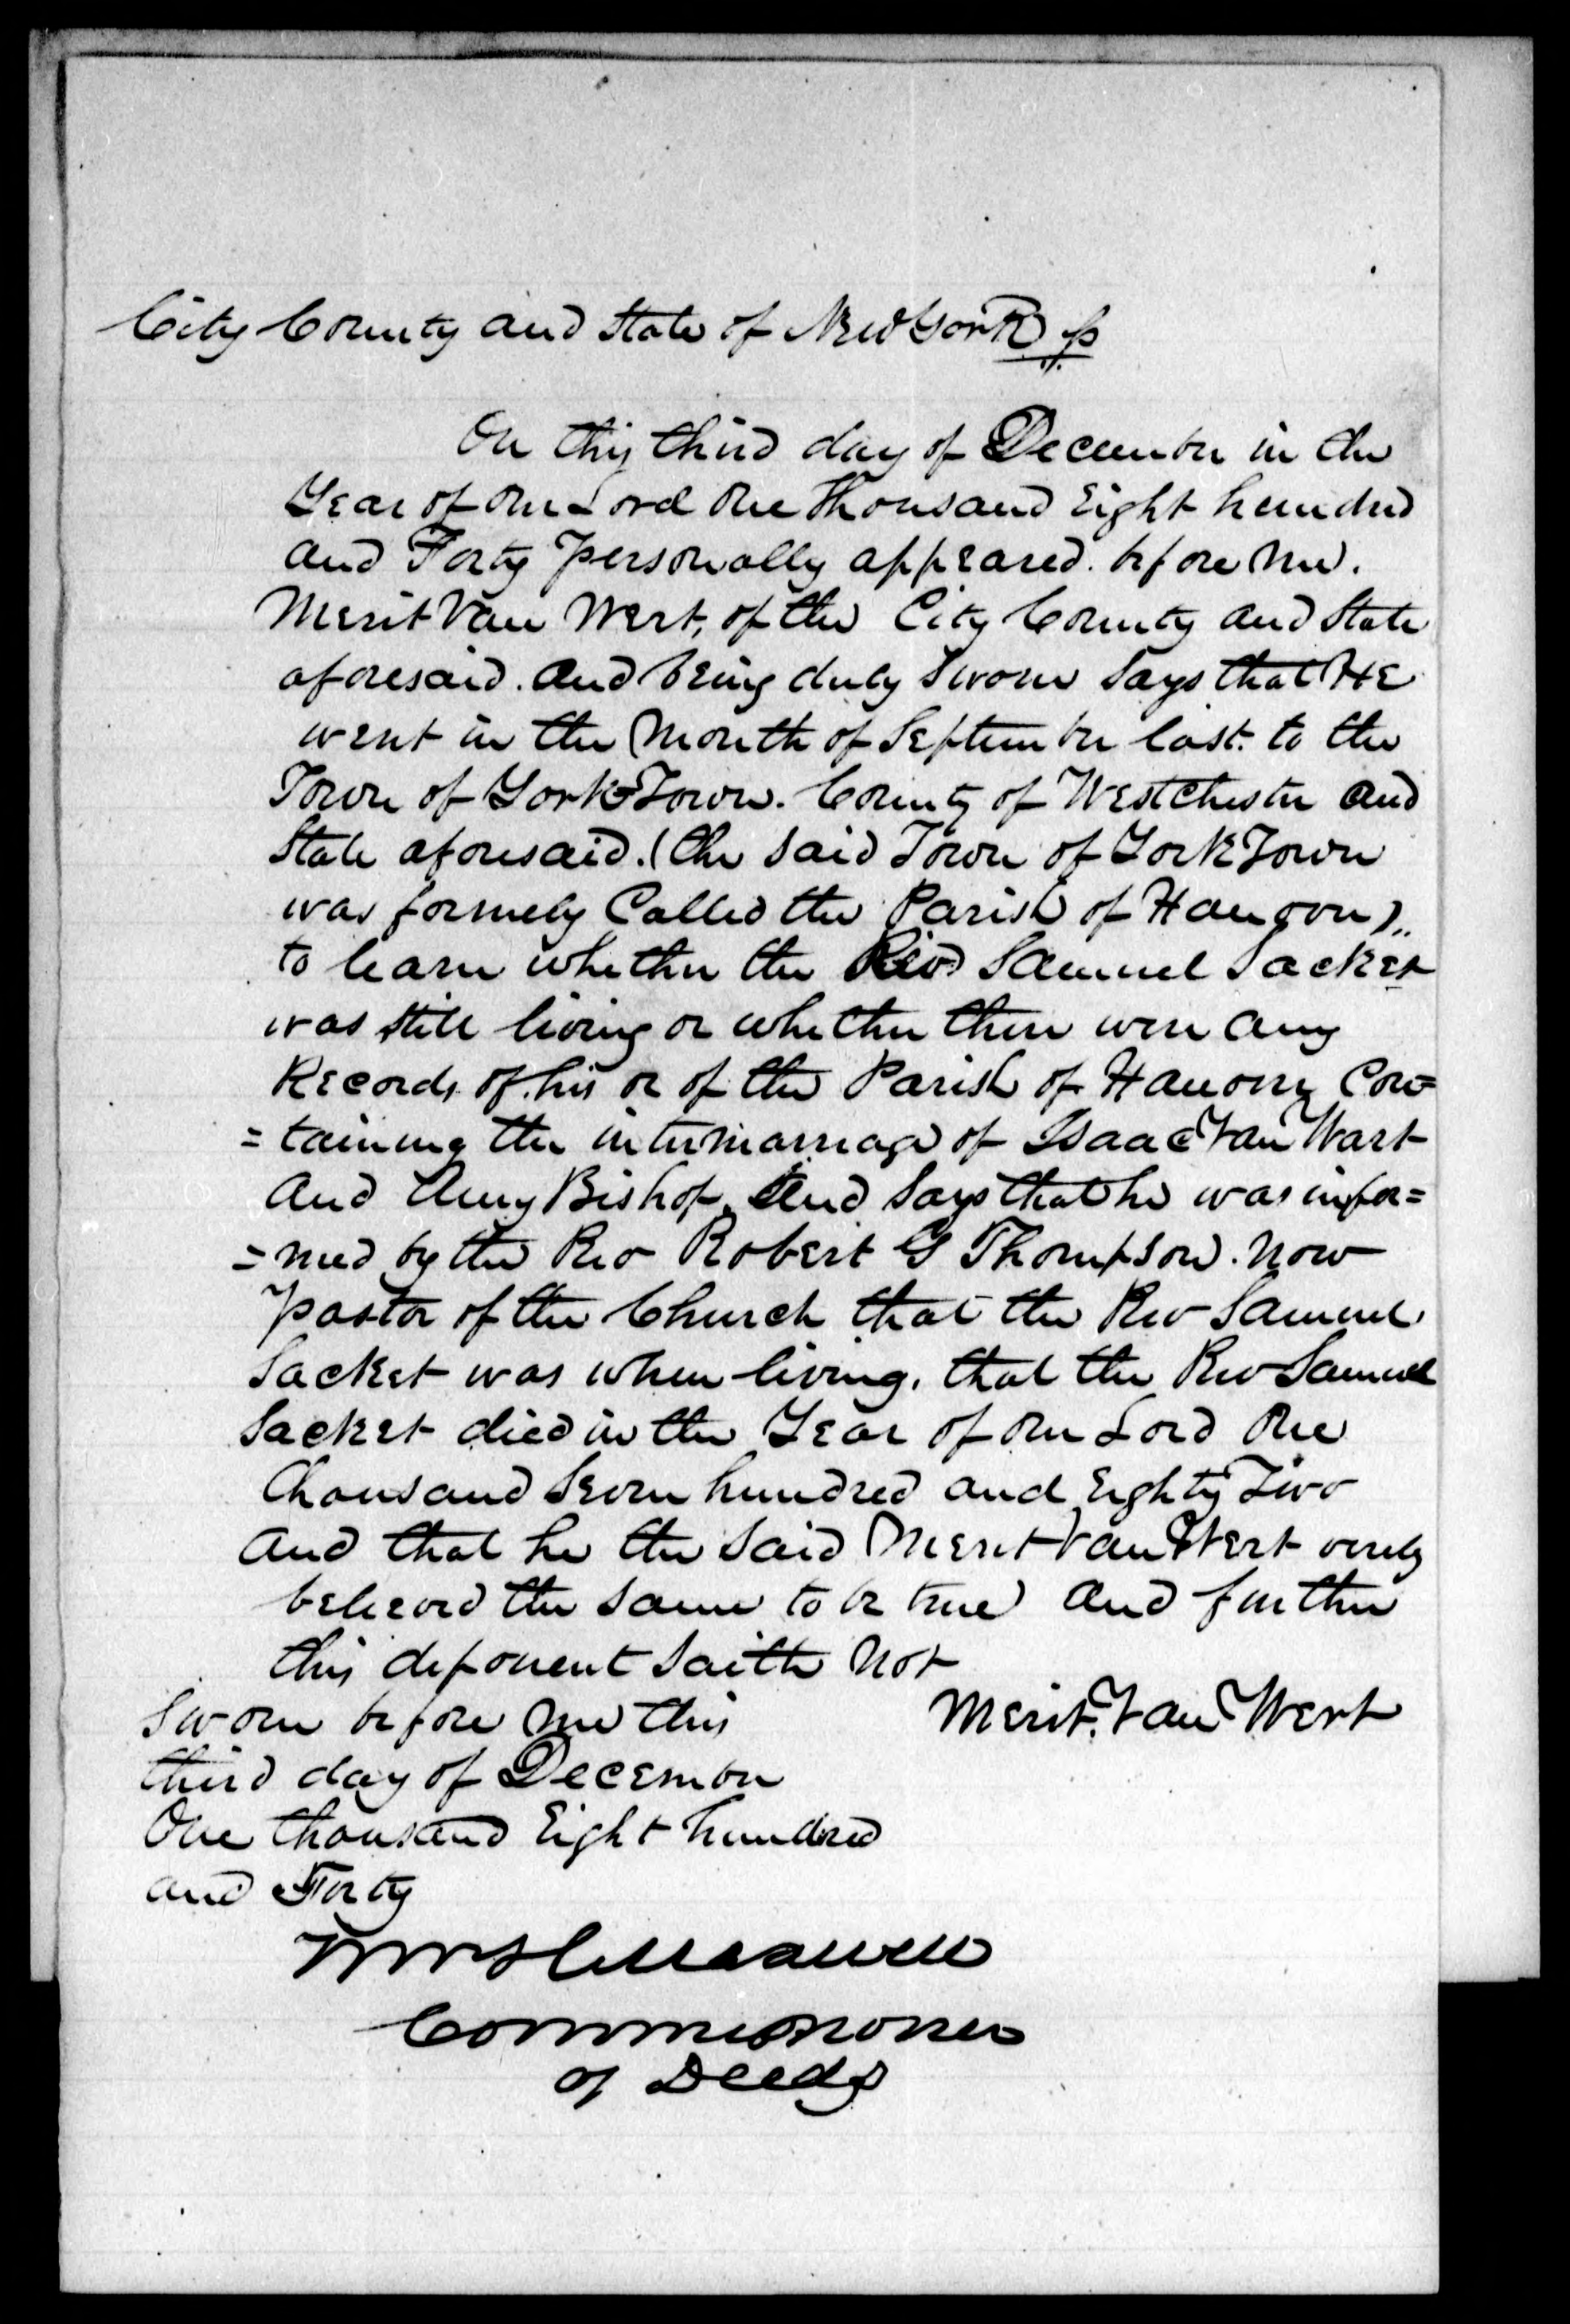City County and State of New York

    On this third day of December in the year of our Lord One Thousand and Eight hundred and Forty personally appeared before me Merit Van Wert of the City County and State aforesaid and being duly sworn says that He went in the month of September last to the Town of York Town County of Westchester and State aforesaid. (the said Town of York Town was formerly called the Parish of Hanover) to learn whether the Rev Samuel Sacker was still living or whether there were any records of his or of the Parish of Hanover containing the intermarriage of Isaac Van Wart and Amy Bishop And says that he was informed by the Rev Robert G Thompson now pastor of the Church that the Rev Samuel Sacket was when living that the Rev Samuel Sacket died in the Year of our Lord One Thousand and Seven hundred and Eighty Two and that he the said Merit Van Wert verily believed the same to be true and further this deponent Saith Not
[signed]
Merit Van Wert

Sworn before me this
third day of December
One thousand Eight hundred
and Forty
[signed] [first name illegible] C Maxwell Commissioner of Deeds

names: Samuel Sacket, Samuel Sacket, Isaac Van Wart, Robert G Thompson, Merit Van Wert, C Maxwell, Merit Van Wert, Merit Van Wert, Amy Bishop, Samuel Sacket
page: 102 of 102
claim: widow's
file: W. 18239, Isaac Van Wart, New York